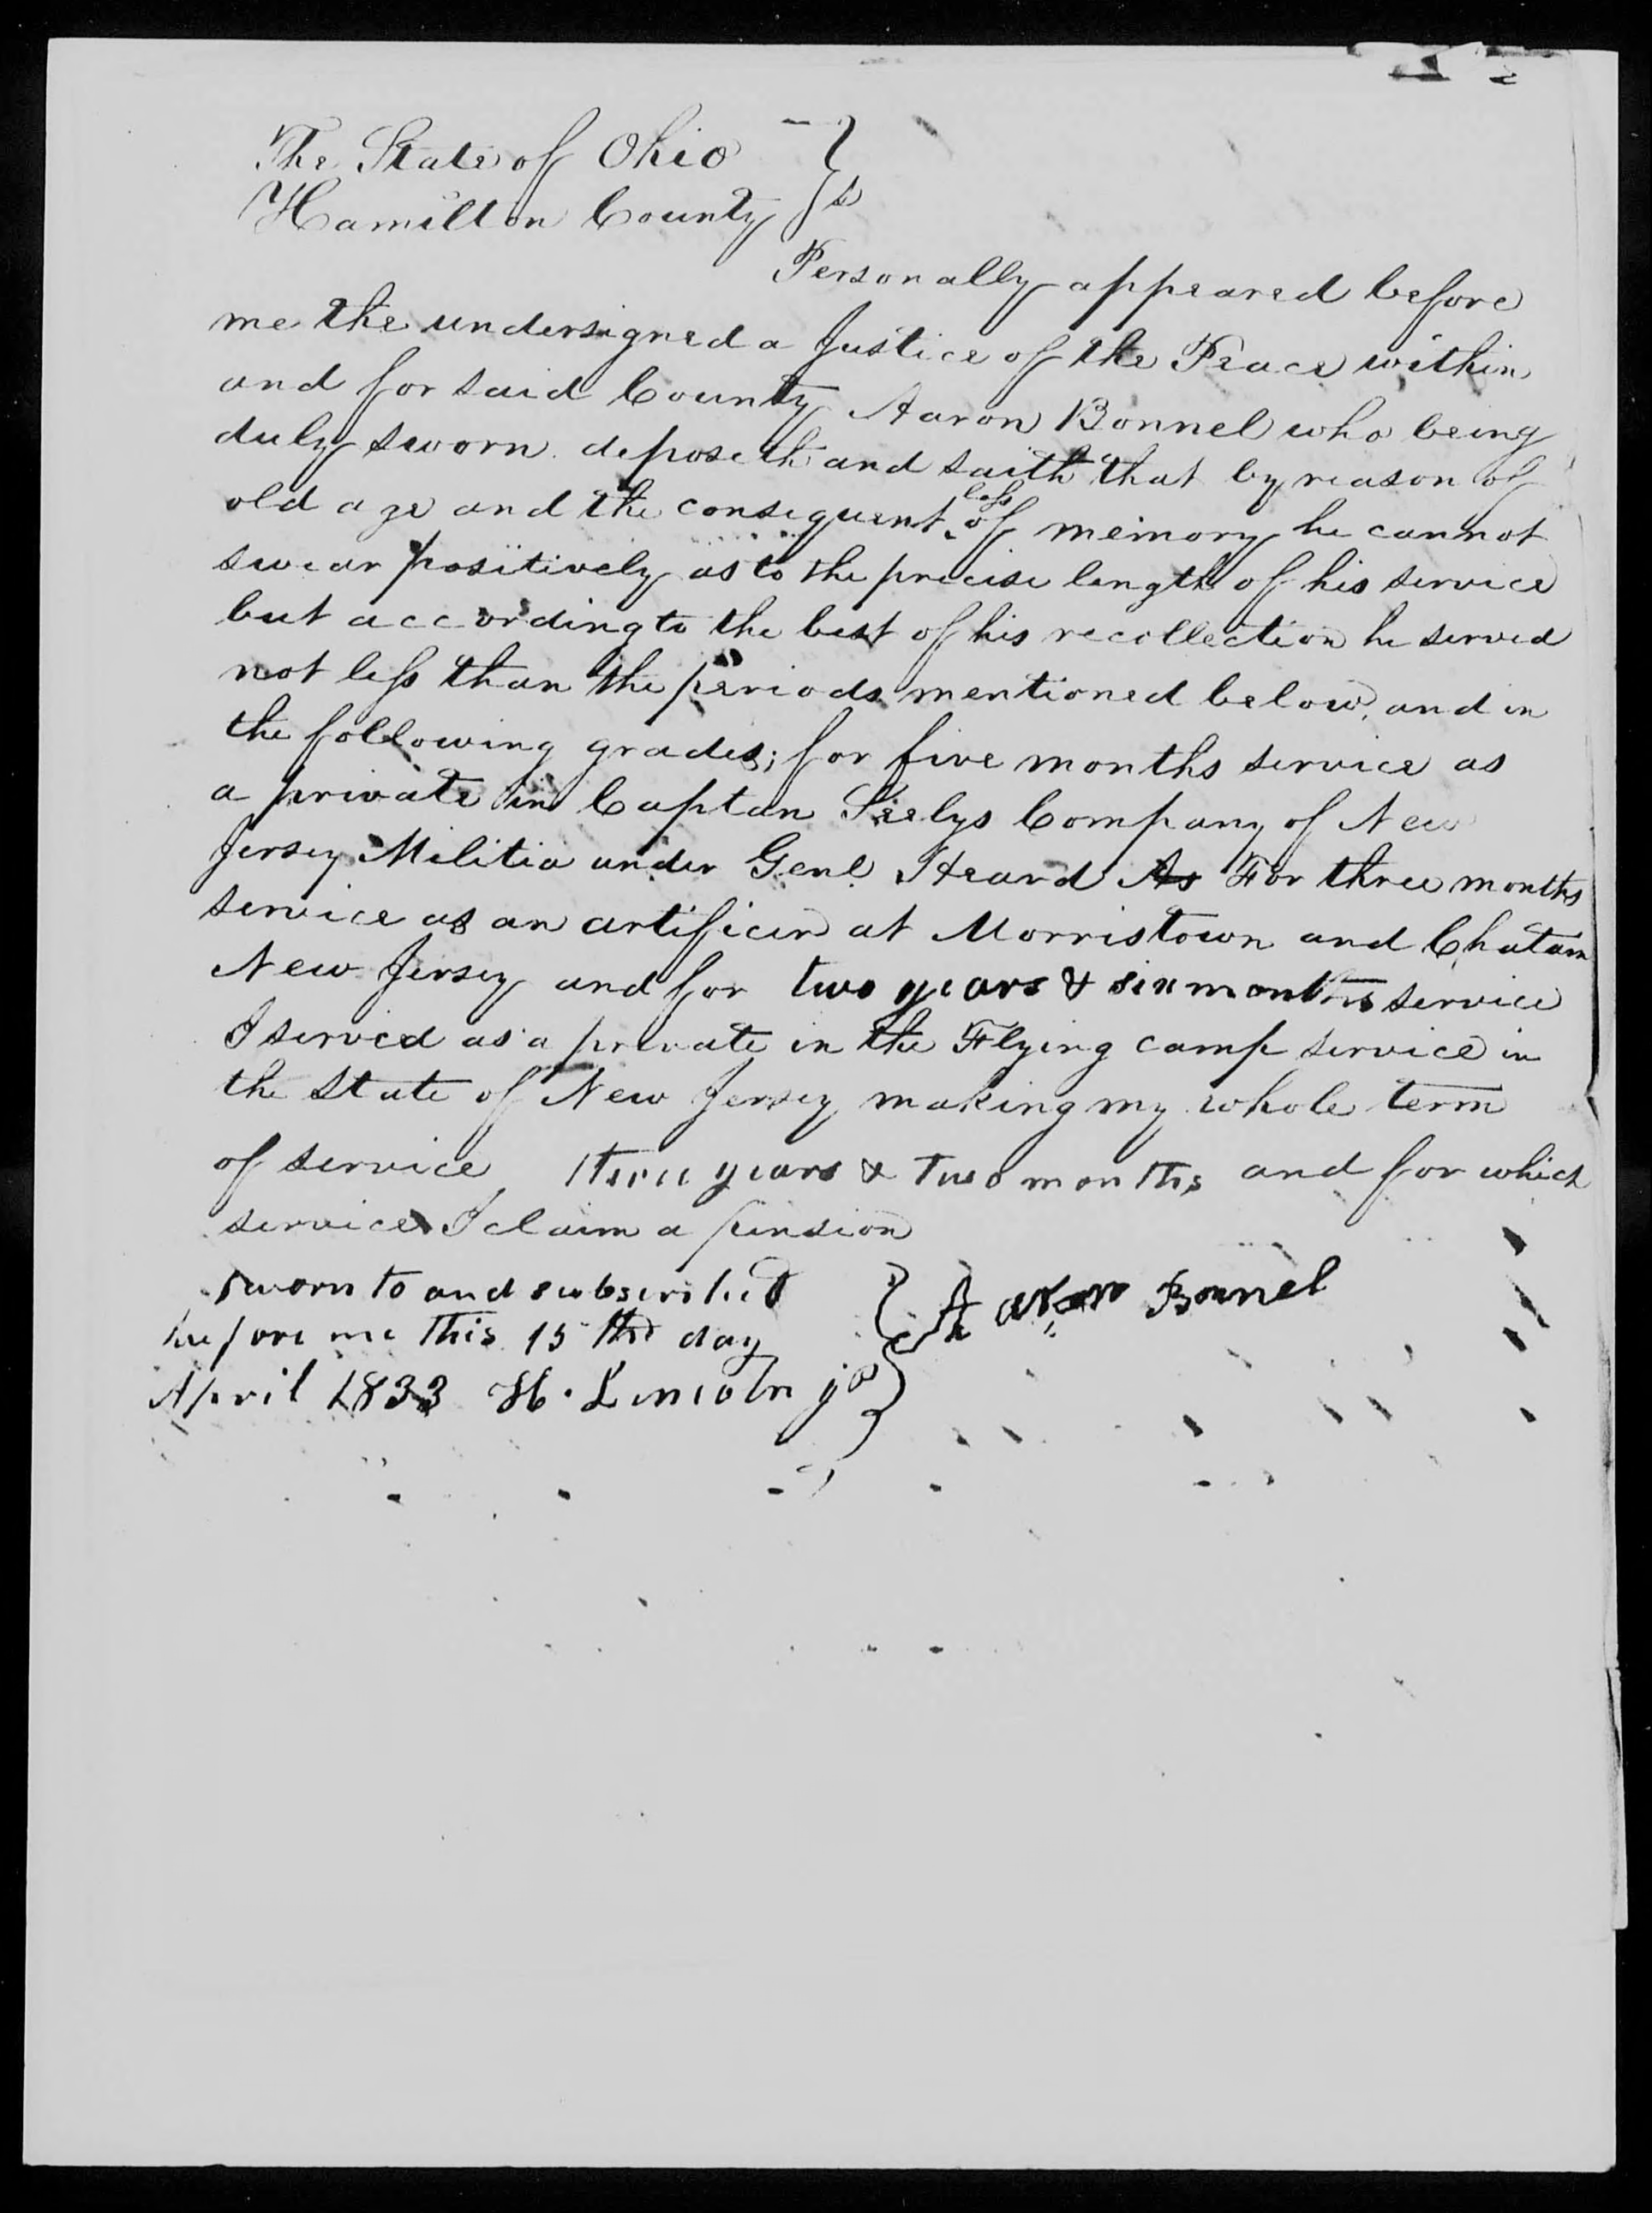The State of Ohio
Hamilton County }ss
Personally appeared before me the undersigned a Justice of the Peace within and for said County Aaron Bonnel who being duly sworn deposeth and saith that by reason of old age and the consequent loss of memory he cannot swear positively as to the precise length of his service, but according to the best of his recollection he served not less than the periods mentioned below, and in the following grades; for five months service as a private in Captain Seelys Company of New Jersey Milita under Genl Heard.  For three months service as an artificer at Morristown and Chatham.  I served as a private int he Flying camp service in the State of New Jersey making my whole term of services three years & two months and for which service I claim a pension.
Aaron Bonnel

Sworn to and subscribed before me this 15th day of April 1833
H. Lincoln J.P.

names: H Lincoln, Heard, Aaron Bonnel, Aaron Bonnel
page: 25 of 67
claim: rejected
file: R. 1009, Aaron Bonnel, New Jersey